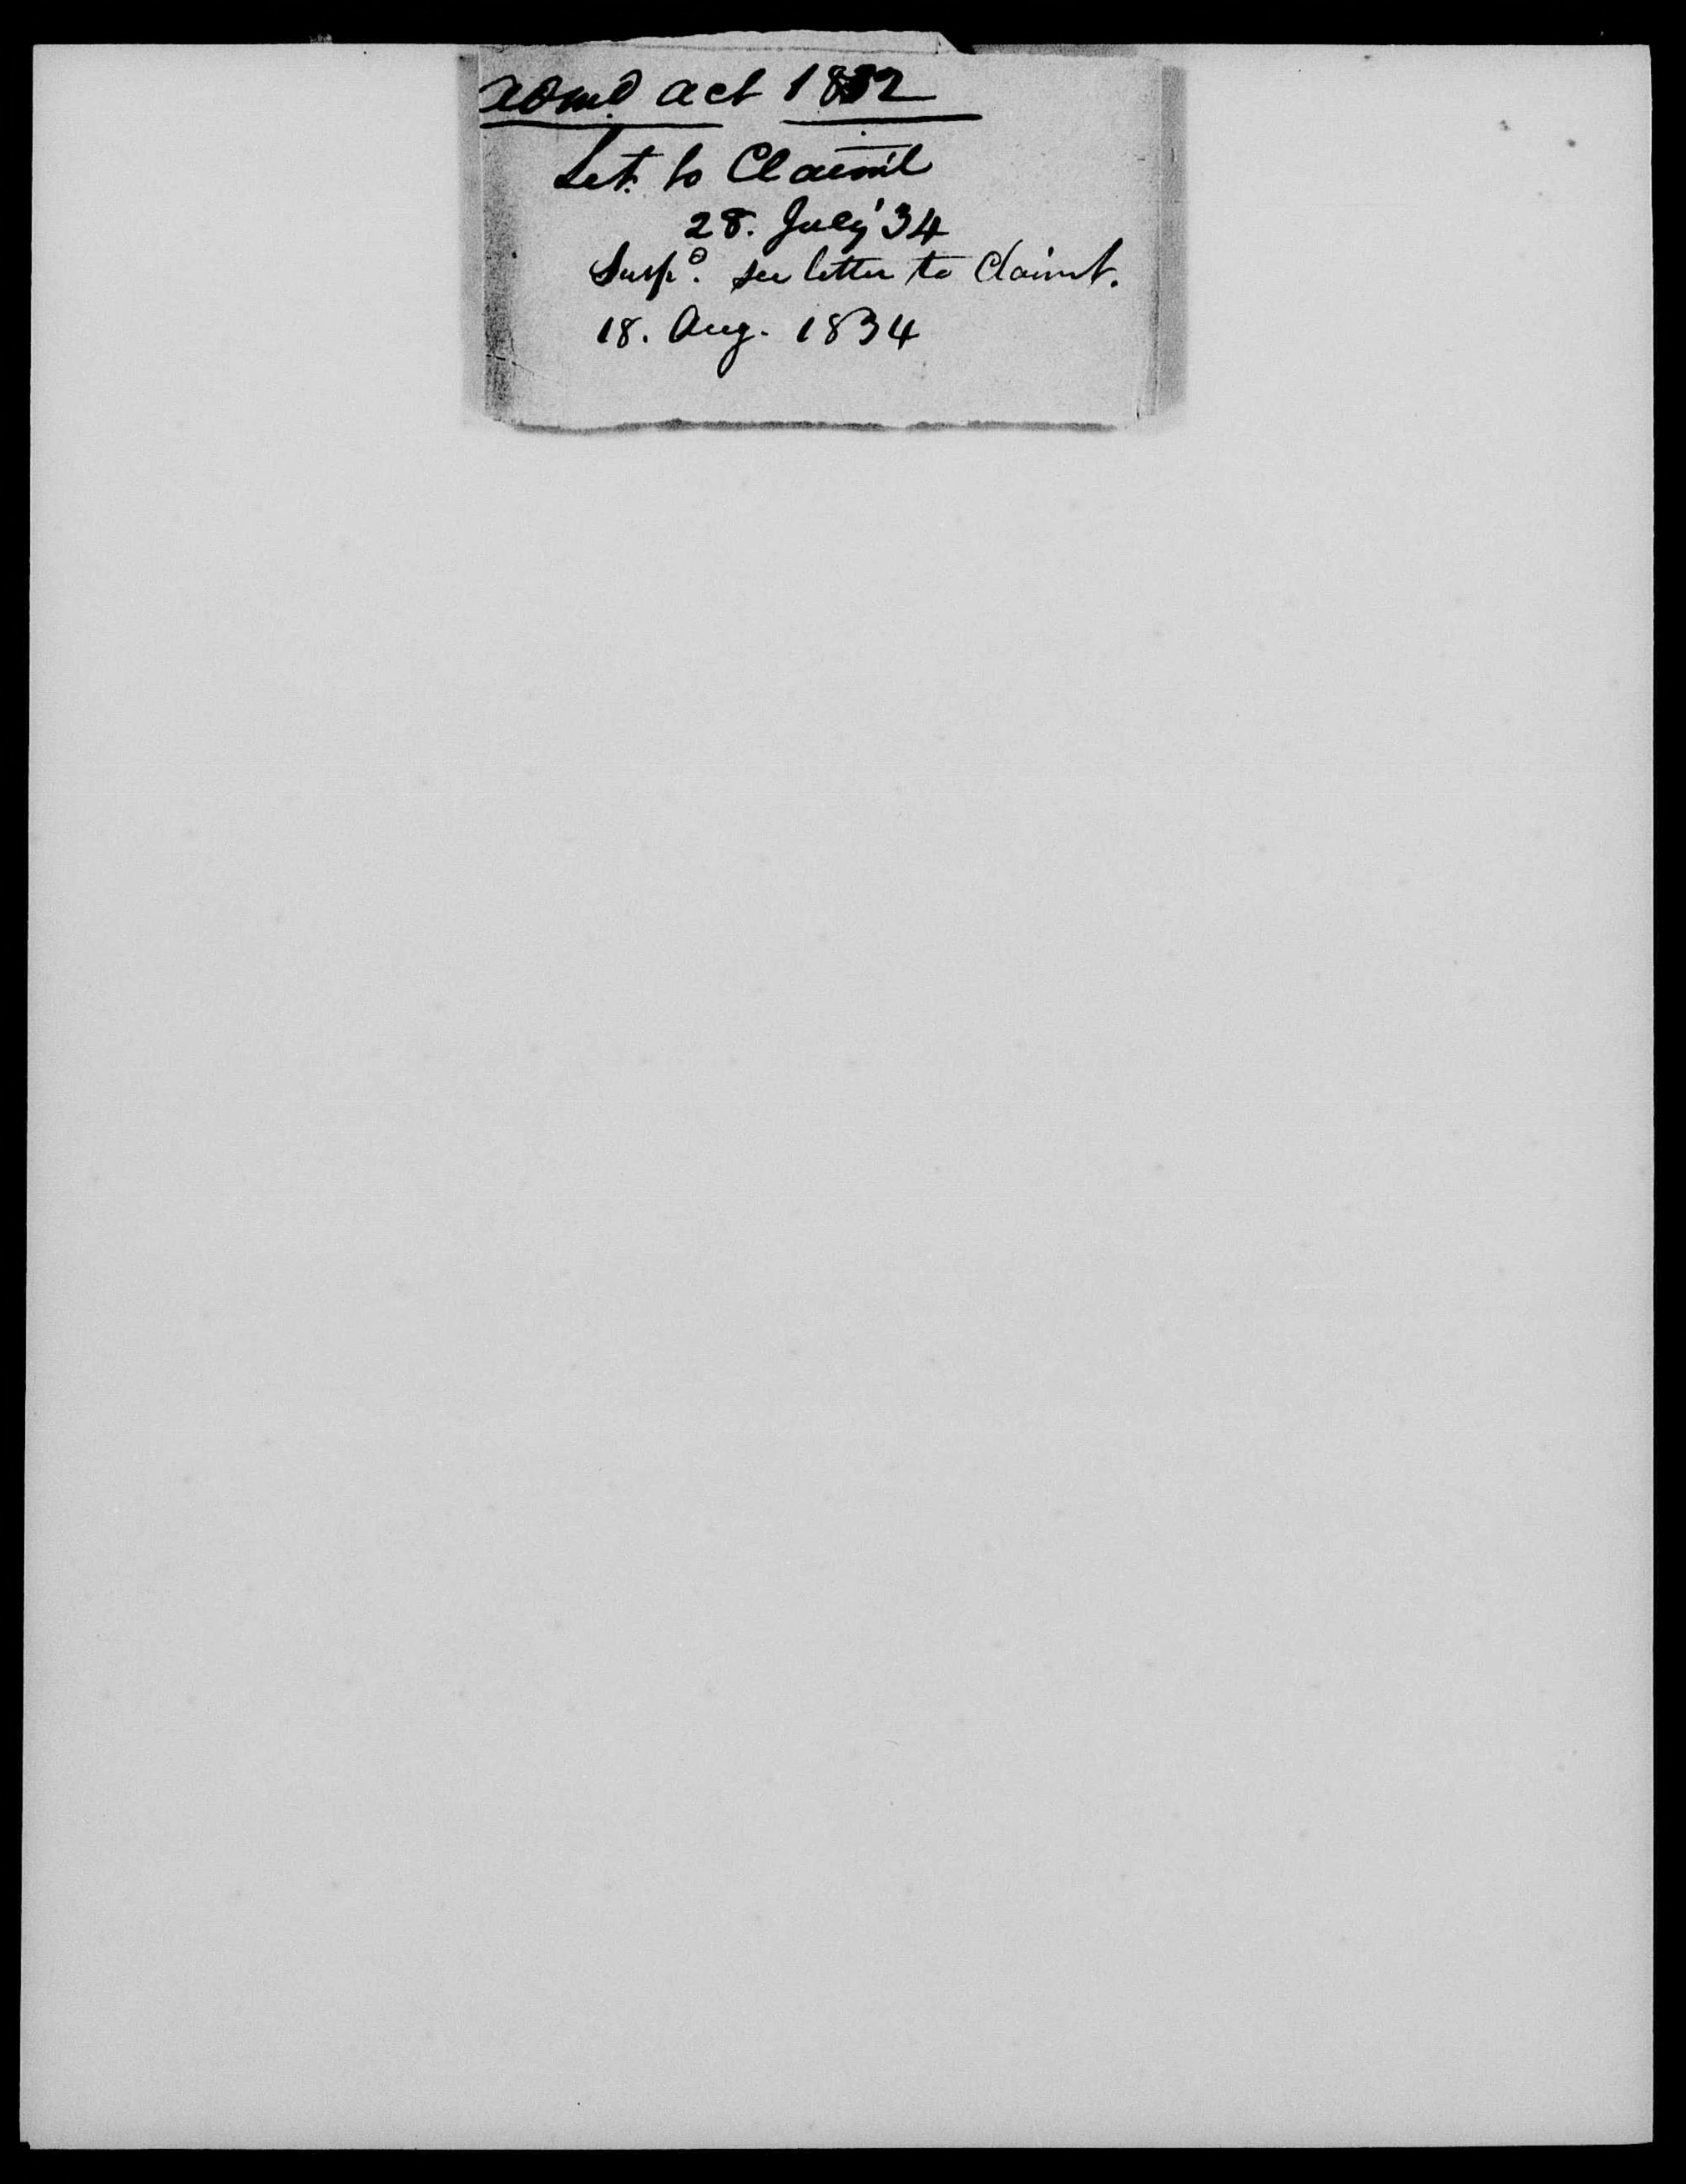[underlined illegible act 1832] 

Let. to Claimant

28. July '34 

Suspd. See letter to Claimant. 

18. Aug. 1834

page: 17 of 39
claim: survivor's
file: S. 23802, for James Miner, Connecticut